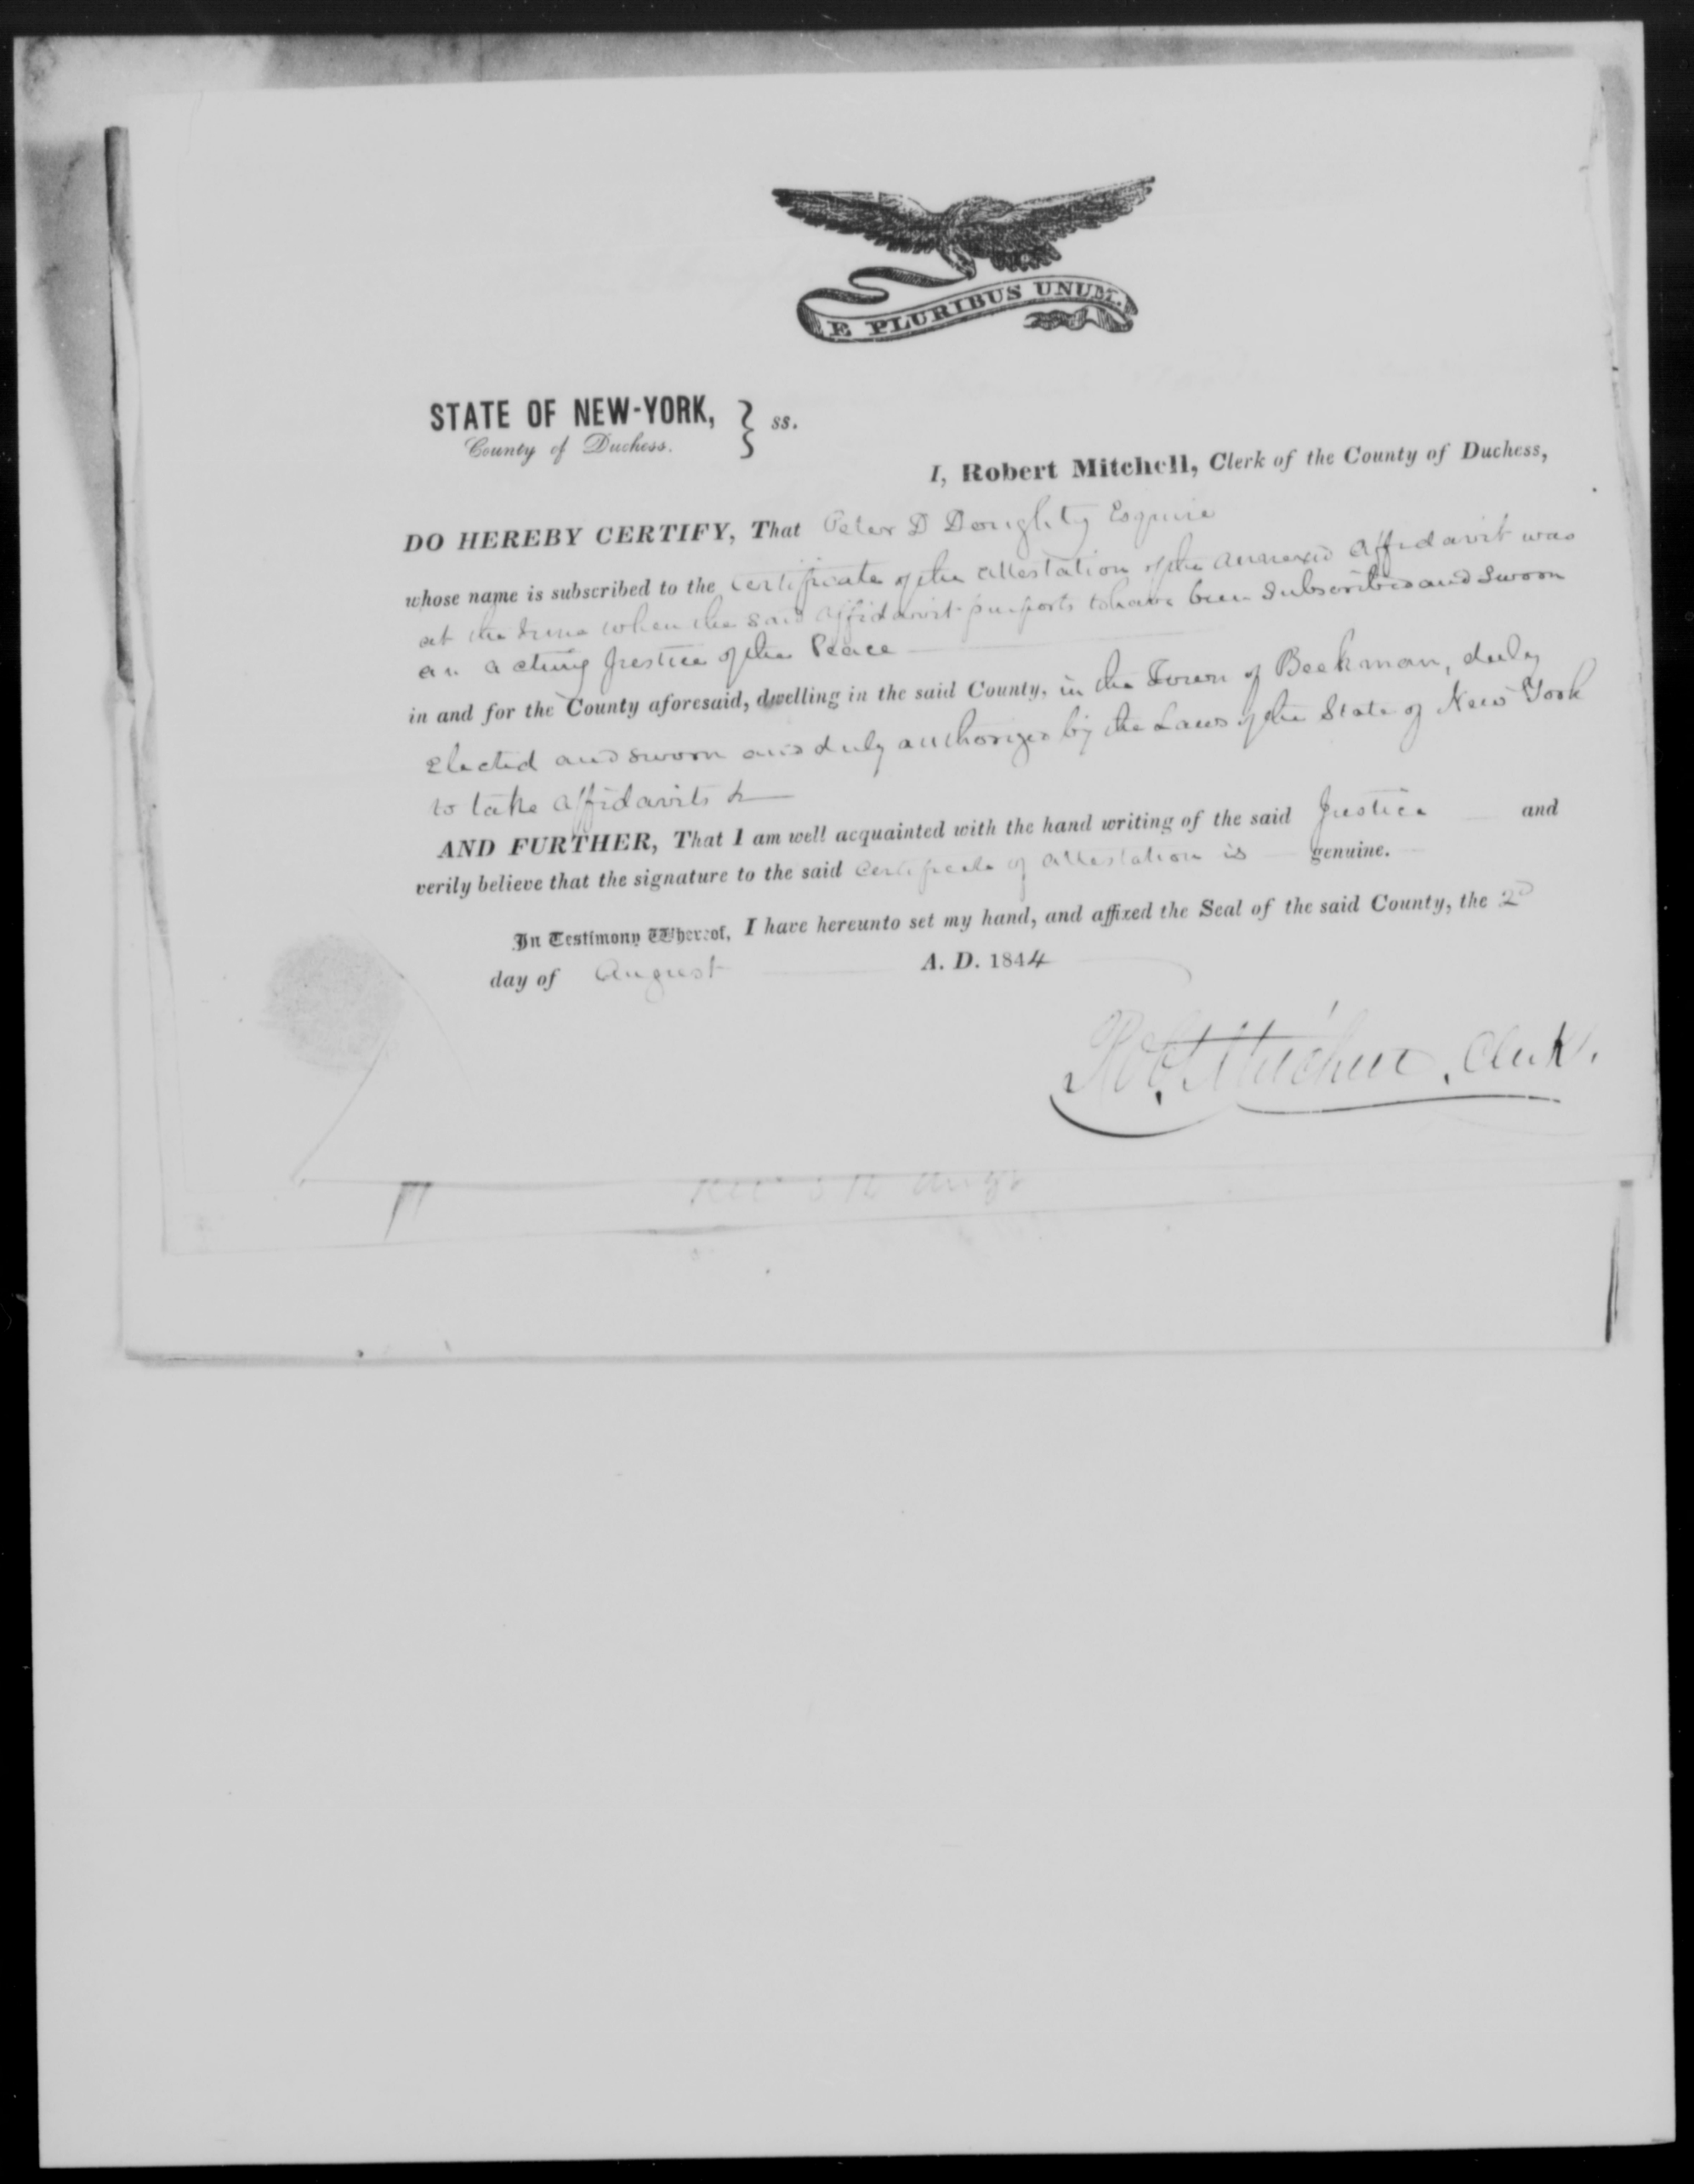STATE OF NEW-YORK,
County of Duchess. Ss.  I, Robert Mitchell, Clerk of the County of Duchess DO HEREBY CERTIFY, That Peter D Doughty, Esquire whose name is subscribed to the certificate of the attestation of the annexed affidavit was at the time when he said affidavit purports to have been subscribed and sworn an acting Justice of the Peace in and for the County aforesaid, dwelling in the said County, in the Town of Beekman, duly elected and sworn and duly authorized by the Laws of the State of New York to take affidavits AND FURTHER, That I am well acquainted with the hand writing of the said Justice and verily believe that the signature to the said certificate of attestation is genuine.
In testimony whereof I have hereunto set my hand, and affix the Seal of the said County, the 2d day of August A. D. 1844 
Robt Mitchell, Clerk.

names: Robert Mitchell, Peter D Doughty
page: 24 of 77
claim: widow's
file: W. 19658, John Woodin, New York